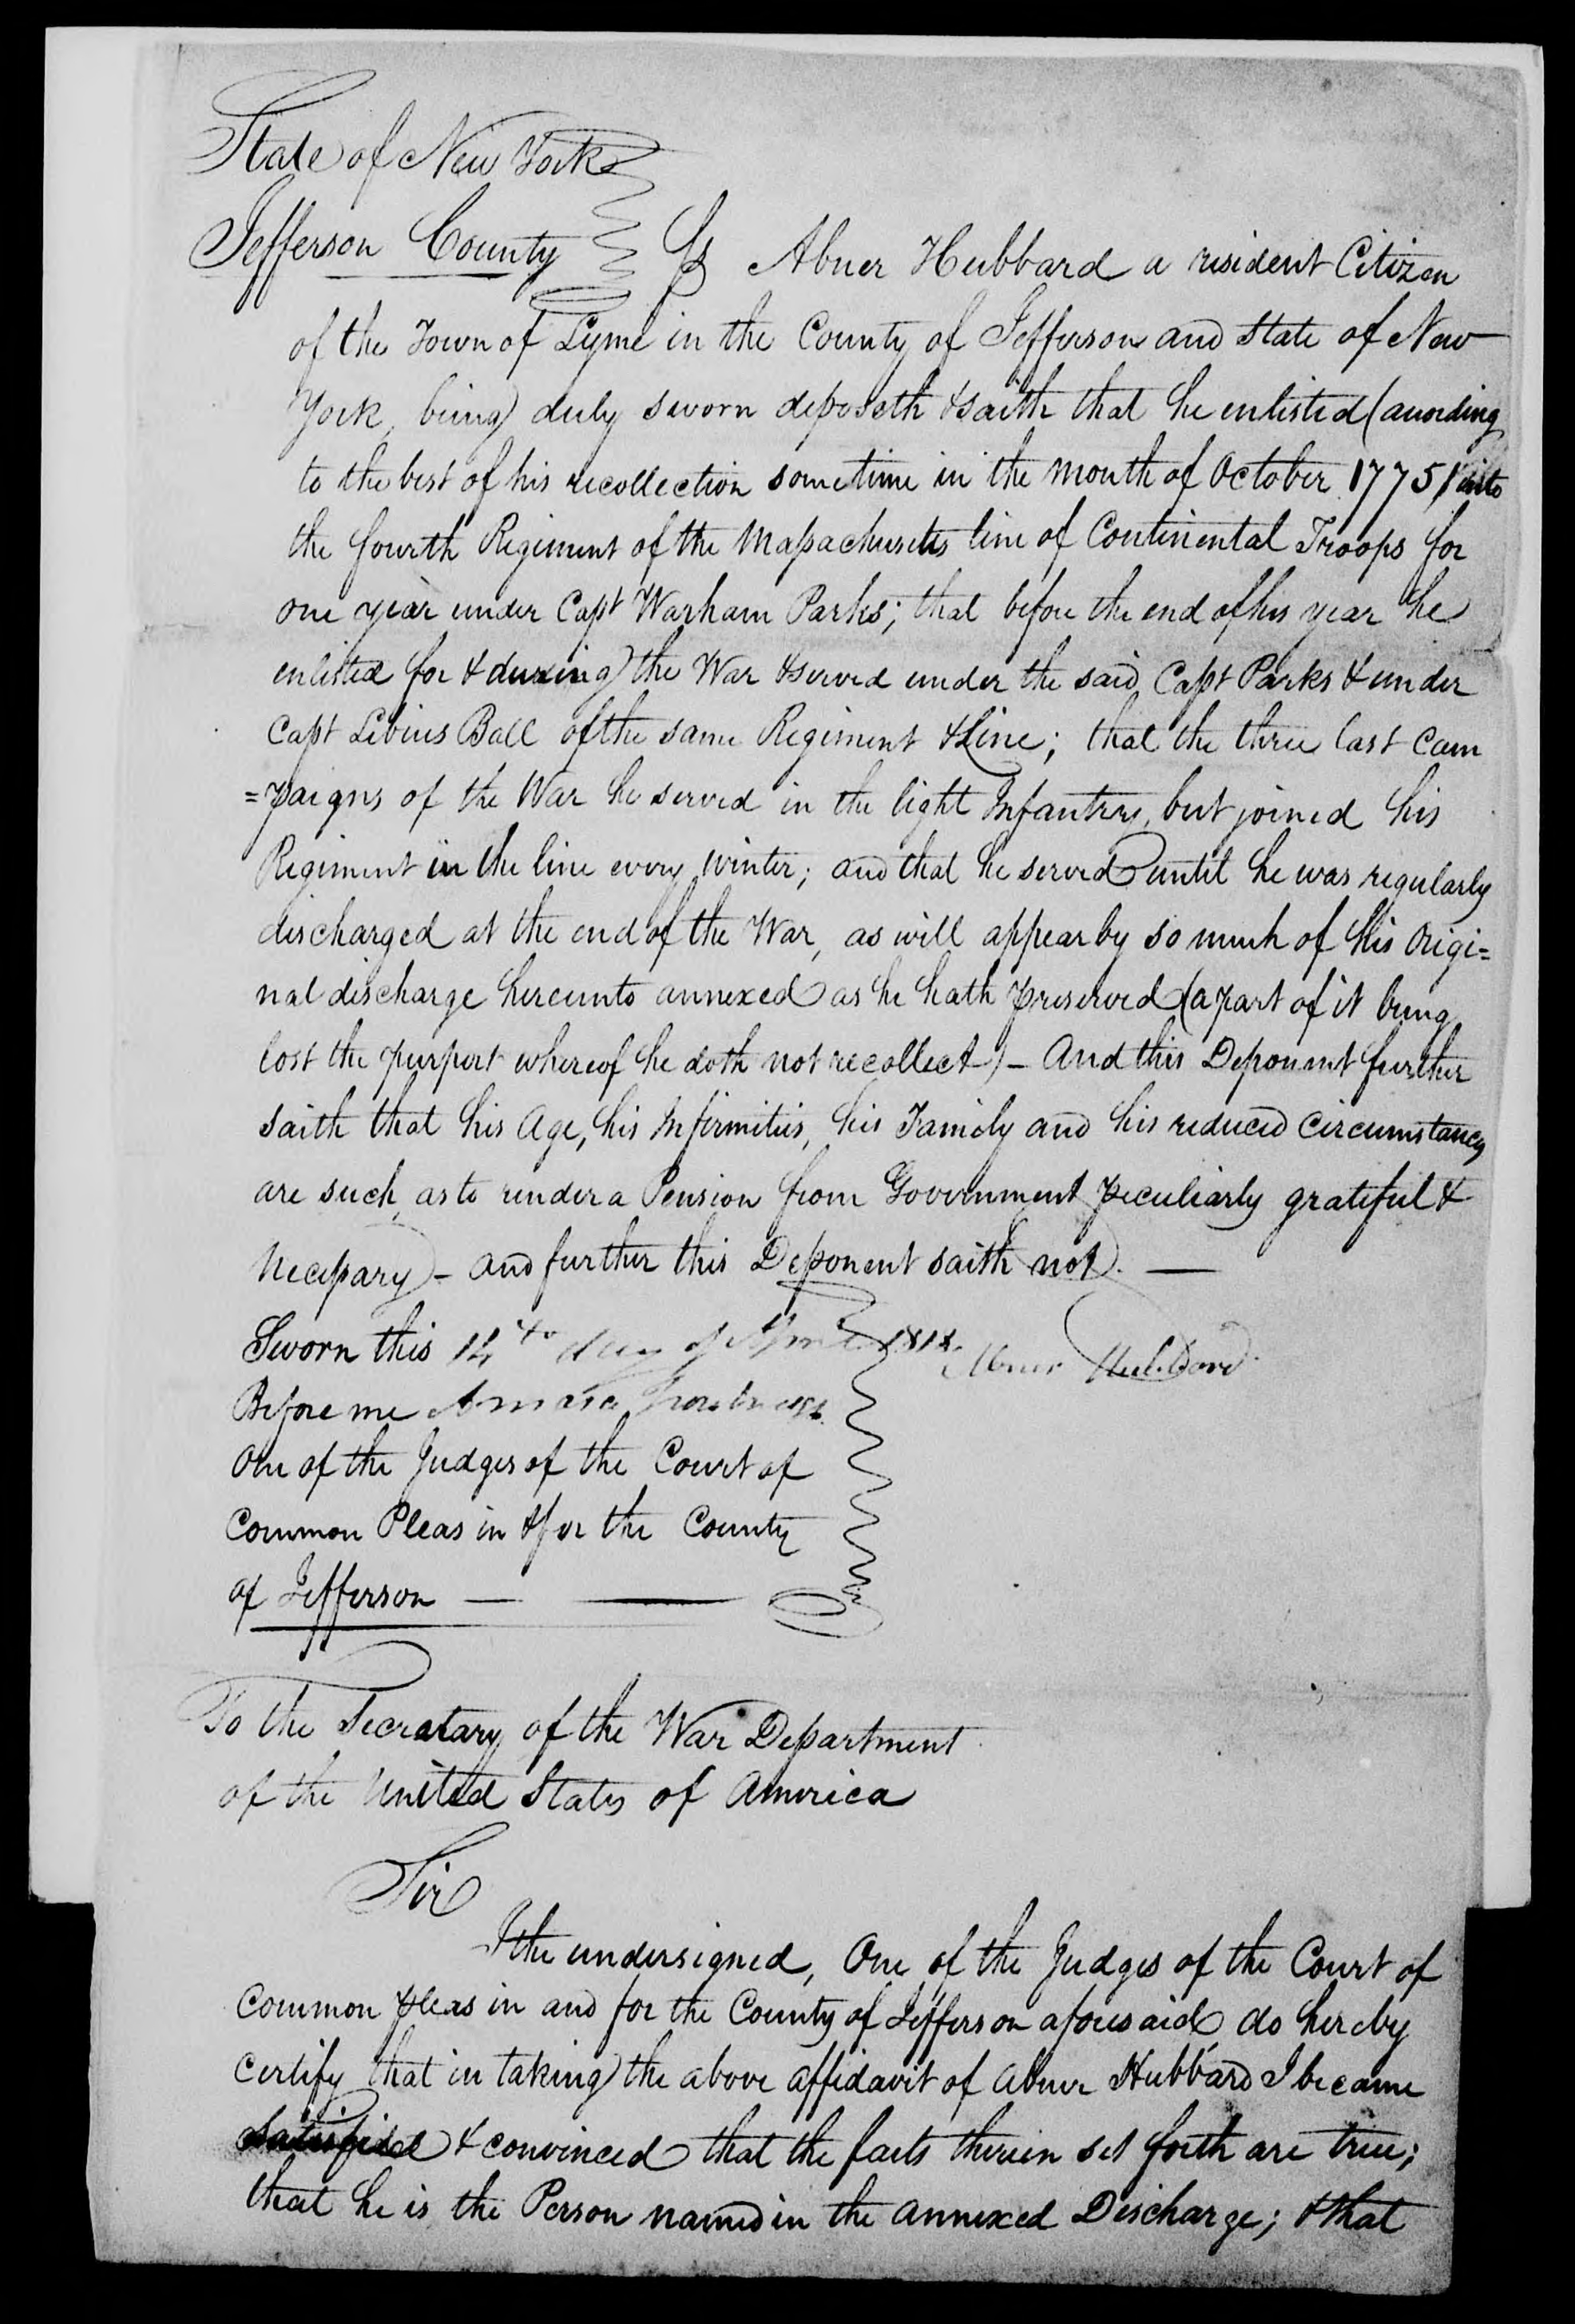State of New York 
Jefferson County} ss Abner Hubbard a resident citizen of the Town of Lyme in the County of Jefferson and State of New York, being duly sworn deposeth saith that he enlisted according to the best of his recollection sometime in the month of October 1775 / into the fourth Regiment of the Massachusetts time of Continental Troops for one year under Capt Warham Parks; that before the end of the year he enlisted for & during the War & served under the said Capt Parks & under Capt Libius Ball of the same Regiment & Line; that the three last  campaigns of the War he served in the light infantry, but joined his Regiment in the line every winter; and that he served until he was regularly discharged at the end of the War, as will appear by so much of his original dischare hereunto annexed as he hath preserved (a part of it being lost the purpose whereof he doth not recollect) and this Deponent further saith that his age, his infirmities his Family and his reduced circumstances are such as to under a Pension from the Government peculiarly grateful & necessary - and further this Deponent saith not. 
Sworn the 14th day of April 1818
Before me [illegible name] one of the Judges of the Court of Common Pleas in for the County of Jefferson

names: Lebius Ball, Warham Parks, Abner Hubbard, Amasa Trowbridge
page: 7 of 38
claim: widow's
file: W. 23,381, Abner Hubbard, Continental Mass.